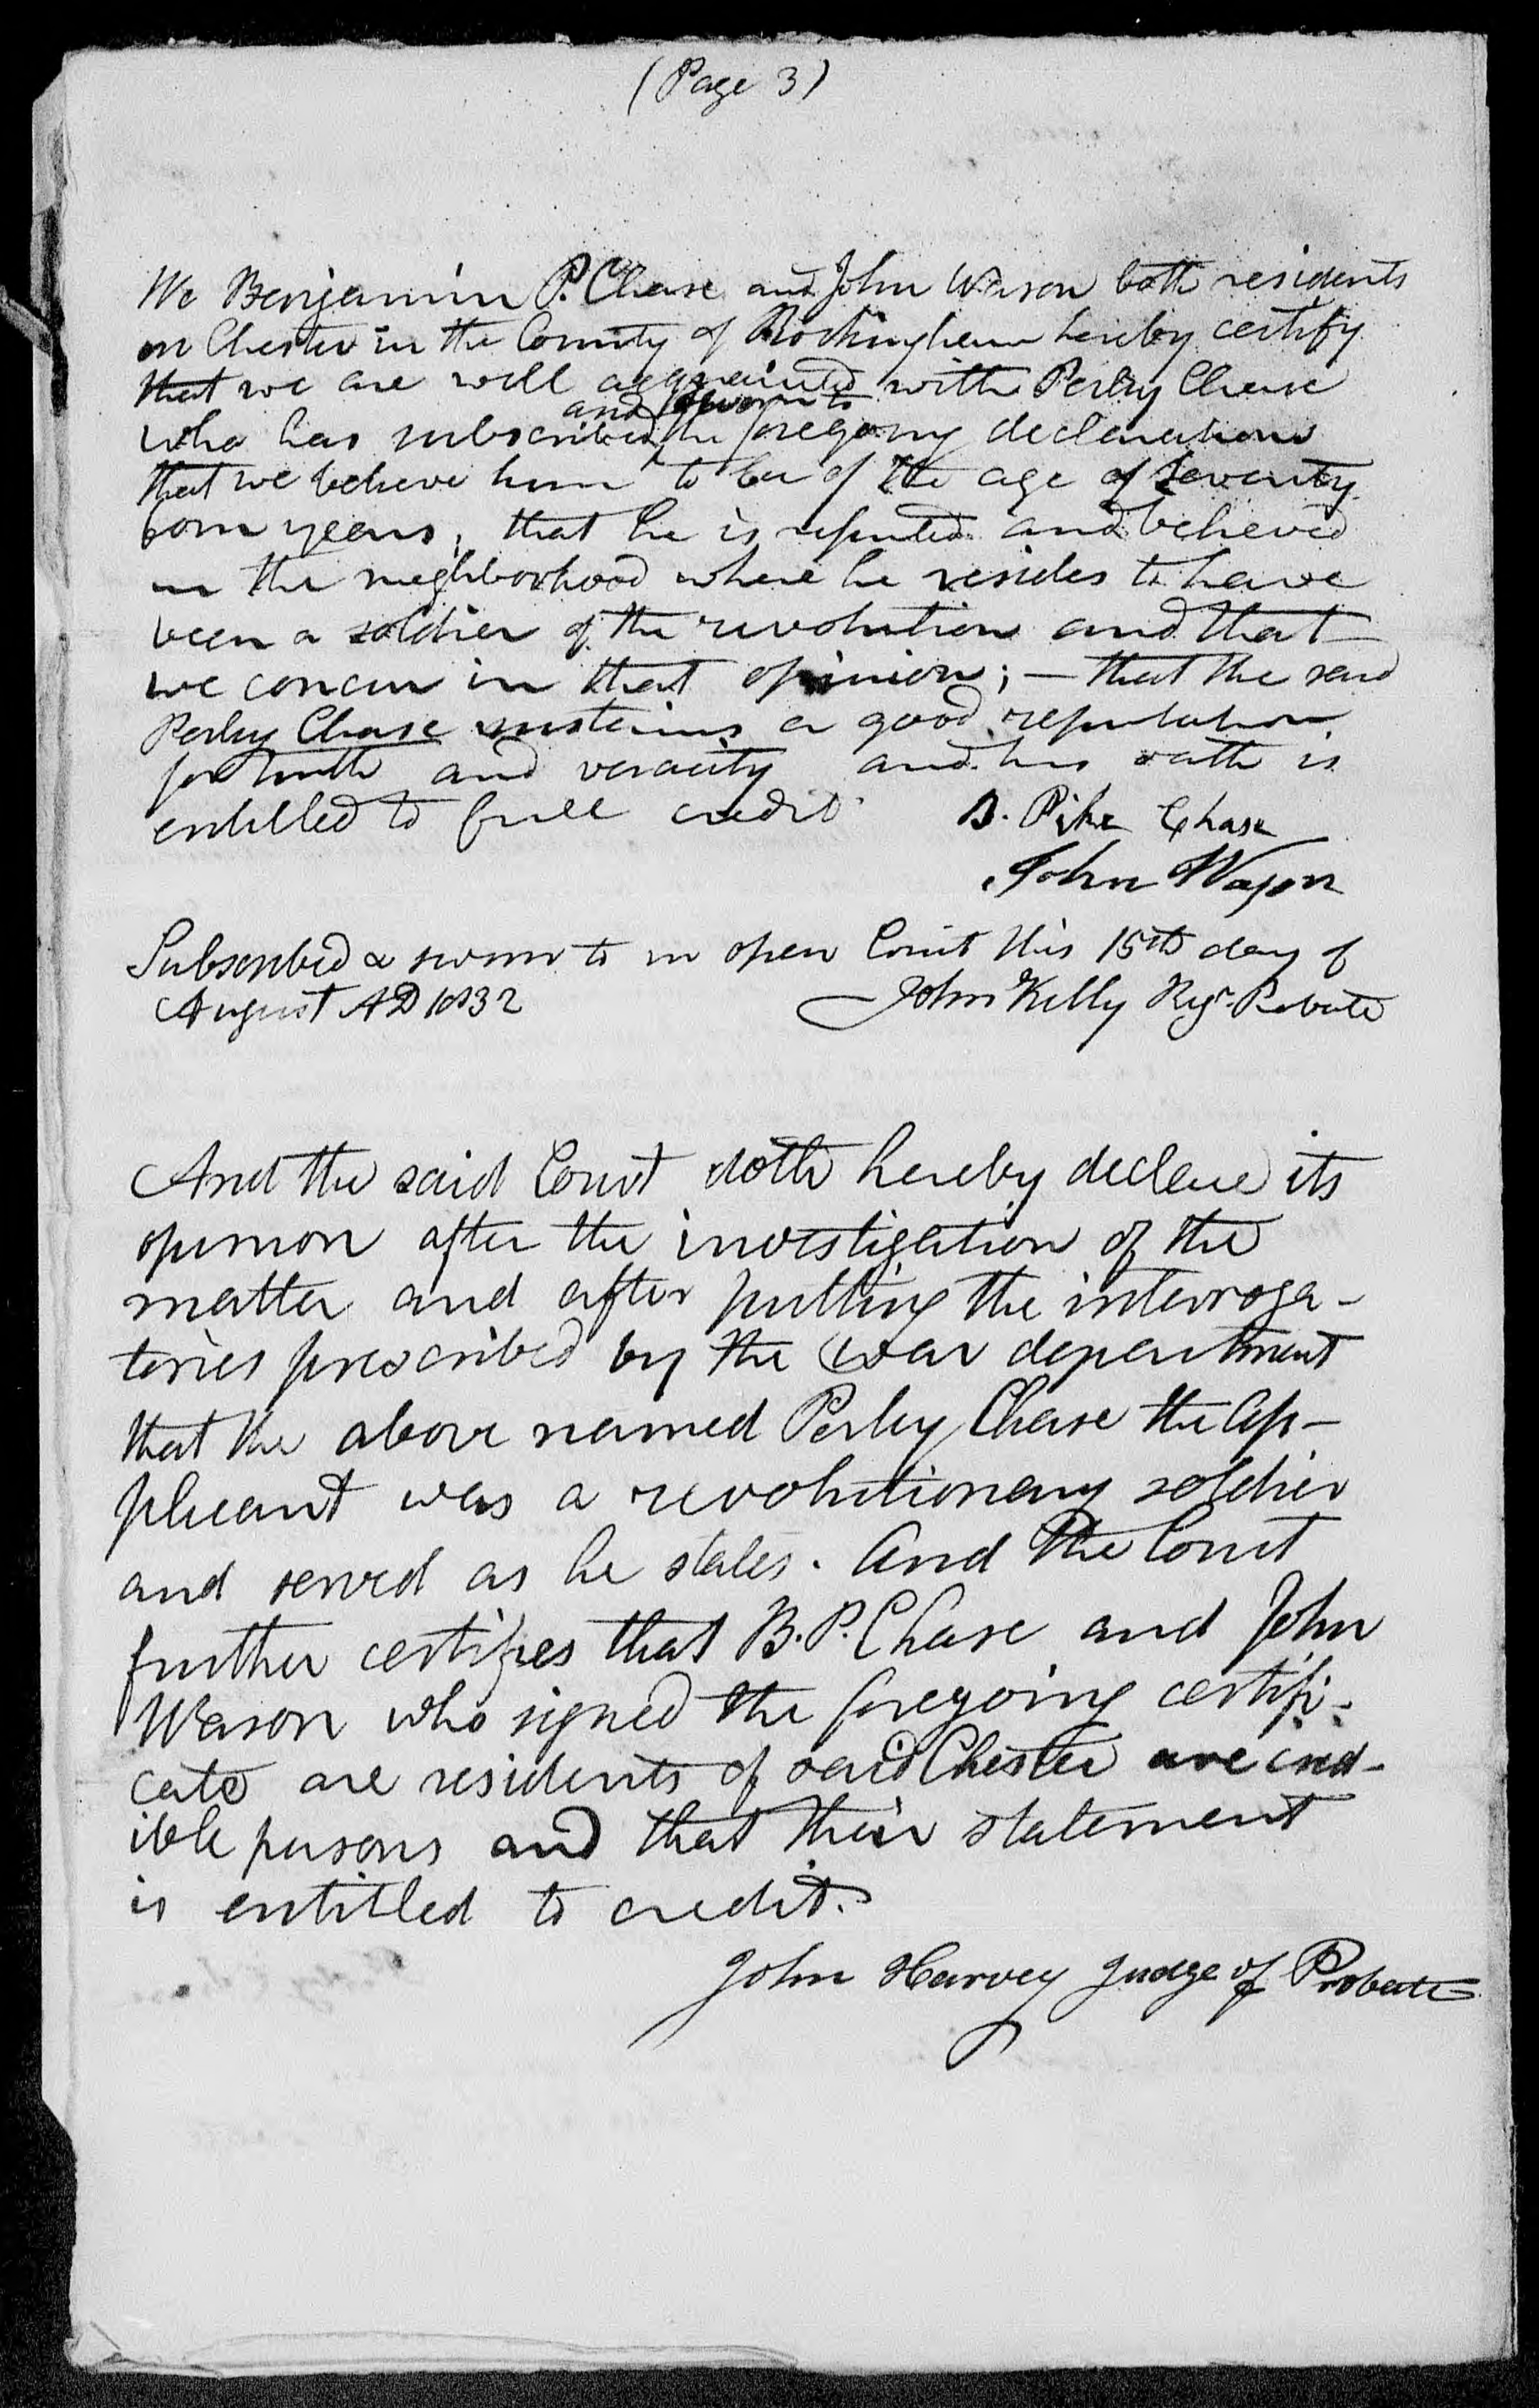(page 3)
We Benjamin P. Chase and John Wason both residents
in Chester in the County of Rockingham hereby certify
that we are well acquainted with Perley Chase
who has subscribed and sworn to the foregoing declaration
that we believe him to be of the age of Seventy
four years, that he is reputed and believed
in the neighborhood where he resides to have
been a soldier of the revolution and that
we concur in that opinion;-- that the said
Perley Chase sustains a good reputation
for truth and veracity and his oath is
entitled to full credit.
B. Pike Chase
John Wason

Subscribed & sworn to in open Court this 15th day of
August AD 1832
John Kelly Regr Probate

And the said Court doth hereby declare its
opinion after the investigation of the
matter and after putting the interrogatories
prescribed by the war department
that the above named Perley Chase the applicant
was a revolutionary soldier
and served as he states. And the Court
further certifies that B. P. Chase and John
Wason who signed the foregoing certificate 
are residents of said Chester are credible
persons and that their statement
is entitled to credit.
John Harvey Judge of Probate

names: B Pike Chase, Perley Chase, John Kelly, Perley Chase, Perley Chase, John Harvey, John Wason, Benjamin P Chase, John Wason, B P Chase, John Wason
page: 6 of 24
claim: survivor's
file: S. 17879, Perley Chase, Continental Mass.